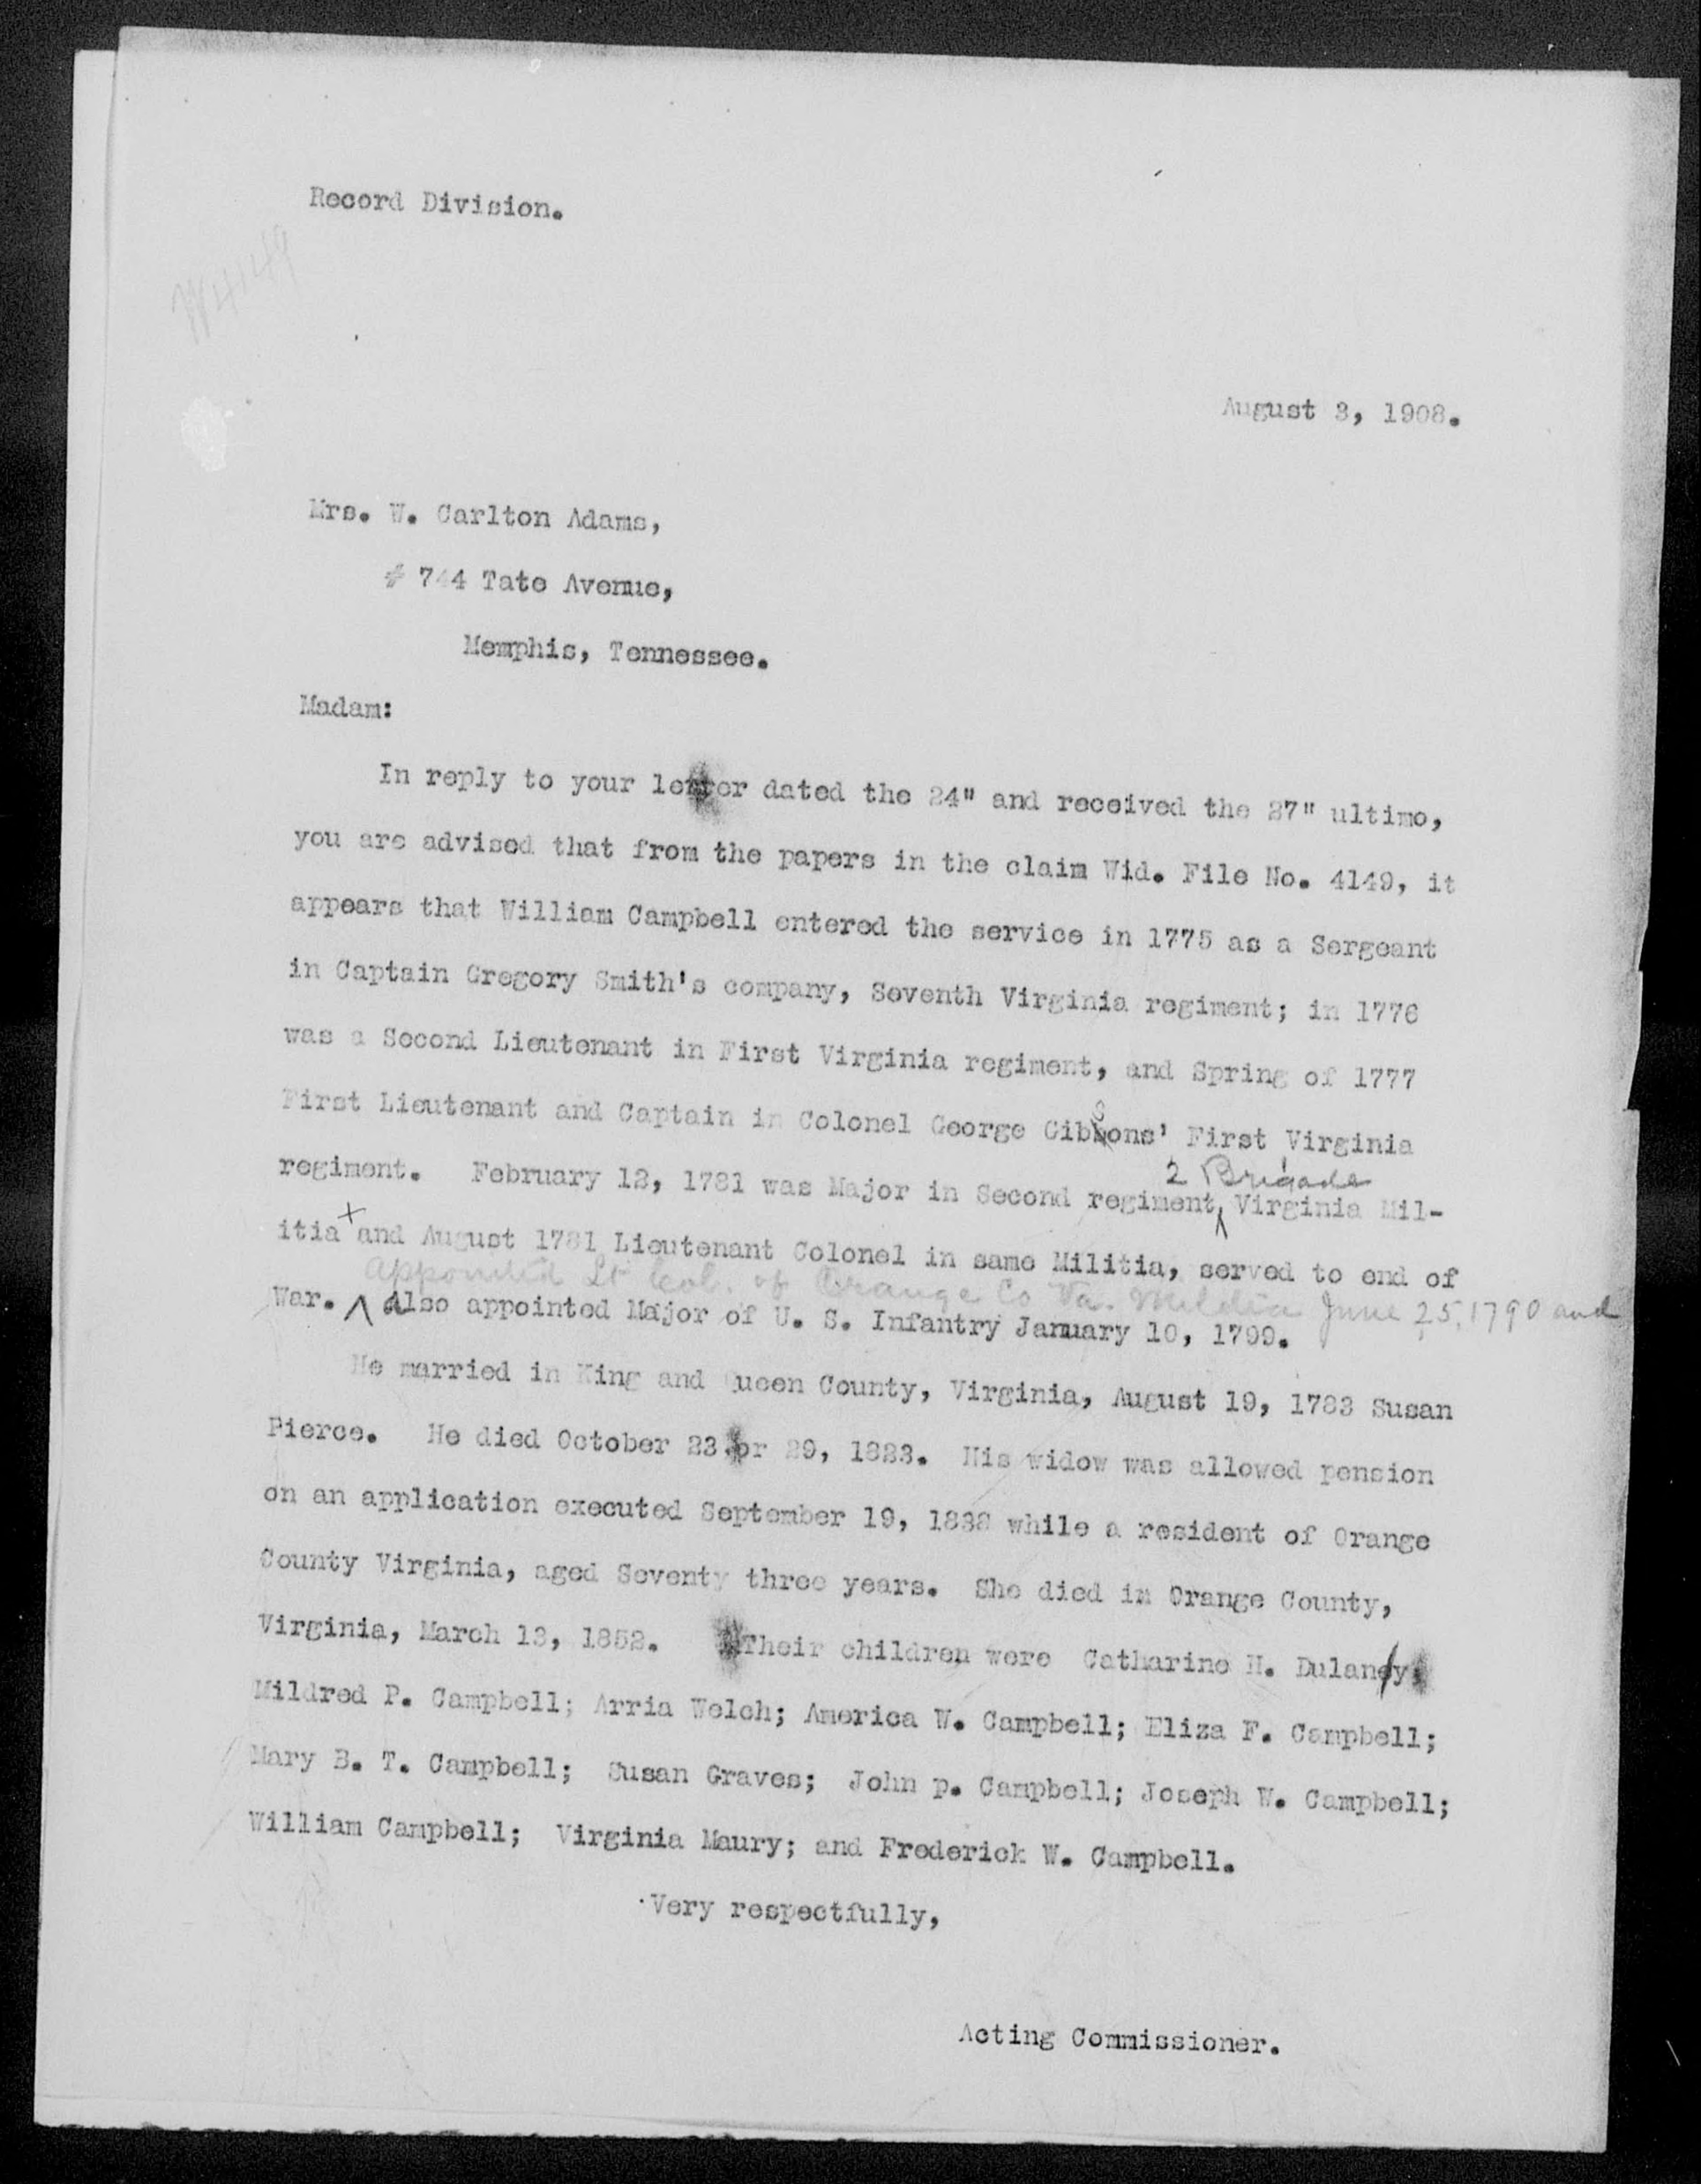Record Division.

August 3, 1908.

Mrs. W. Carlton Adams,
#744 Tate Avemie,
Memphis, Tennessee,
Madam:

In reply to your letter dated the 24" and received the 27 ultimo, you are advised that from the papers in the claim Wid. File No. 4179, it
appears that William Campbell entered the service in 1775 as a Sergeant in Captain Gregory Smith's company, Seventh Virginia regiment; in 1776 was a Second Lieutenant in First Virginia regiment, and Spring of 1777 First Lieutenant and Captain in Colonel George Gibbons First Virginia regiment. February 12, 1781 was Major in Second Regiment, 2 Brigade Virginia Militia and August 1781, Lieutenant Colonel in same Militia, served to end of
War. Appointed Lt. Col. of Orange Co Va. Militia June 25, 1790 and also appointed Major of U. S. Infantry January 10, 1799,
He married in King and Queen County, Virginia, August 19, 1783 Susan Pierce. He died October 23 or 29, 1823. His widow was allowed pension on an application executed September 19, 1833 while a resident of Orange County Virginia, aged seventy three years. She died in Orange County, Virginia, March 18, 1852. Their children were Catharine H. Dulaney; Mildred F. Campbell; Arria Welch; America W. Campbell, Eliza F. Campbell; Mary B. T. Campbell; Susan Graves; John p. Campbell; Joseph W. Campbell;
William Campbell; Virginia Maury; and Frederick W. Campbell.
Very respectfully,
Acting Commissioner.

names: Arria Welch, W Carlton Adams, Frederick W Campbell, William Campbell, Susan Pierce, William Campbell, Susan Graves, Joseph W Campbell, Virginia Maury, Eliza F Campbell, Mary B T Campbell, America W Campbell, John P Campbell, Mildred P Campbell, Catharine H Dulany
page: 258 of 267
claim: widow's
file: W. 4,149, William Campbell, Va.